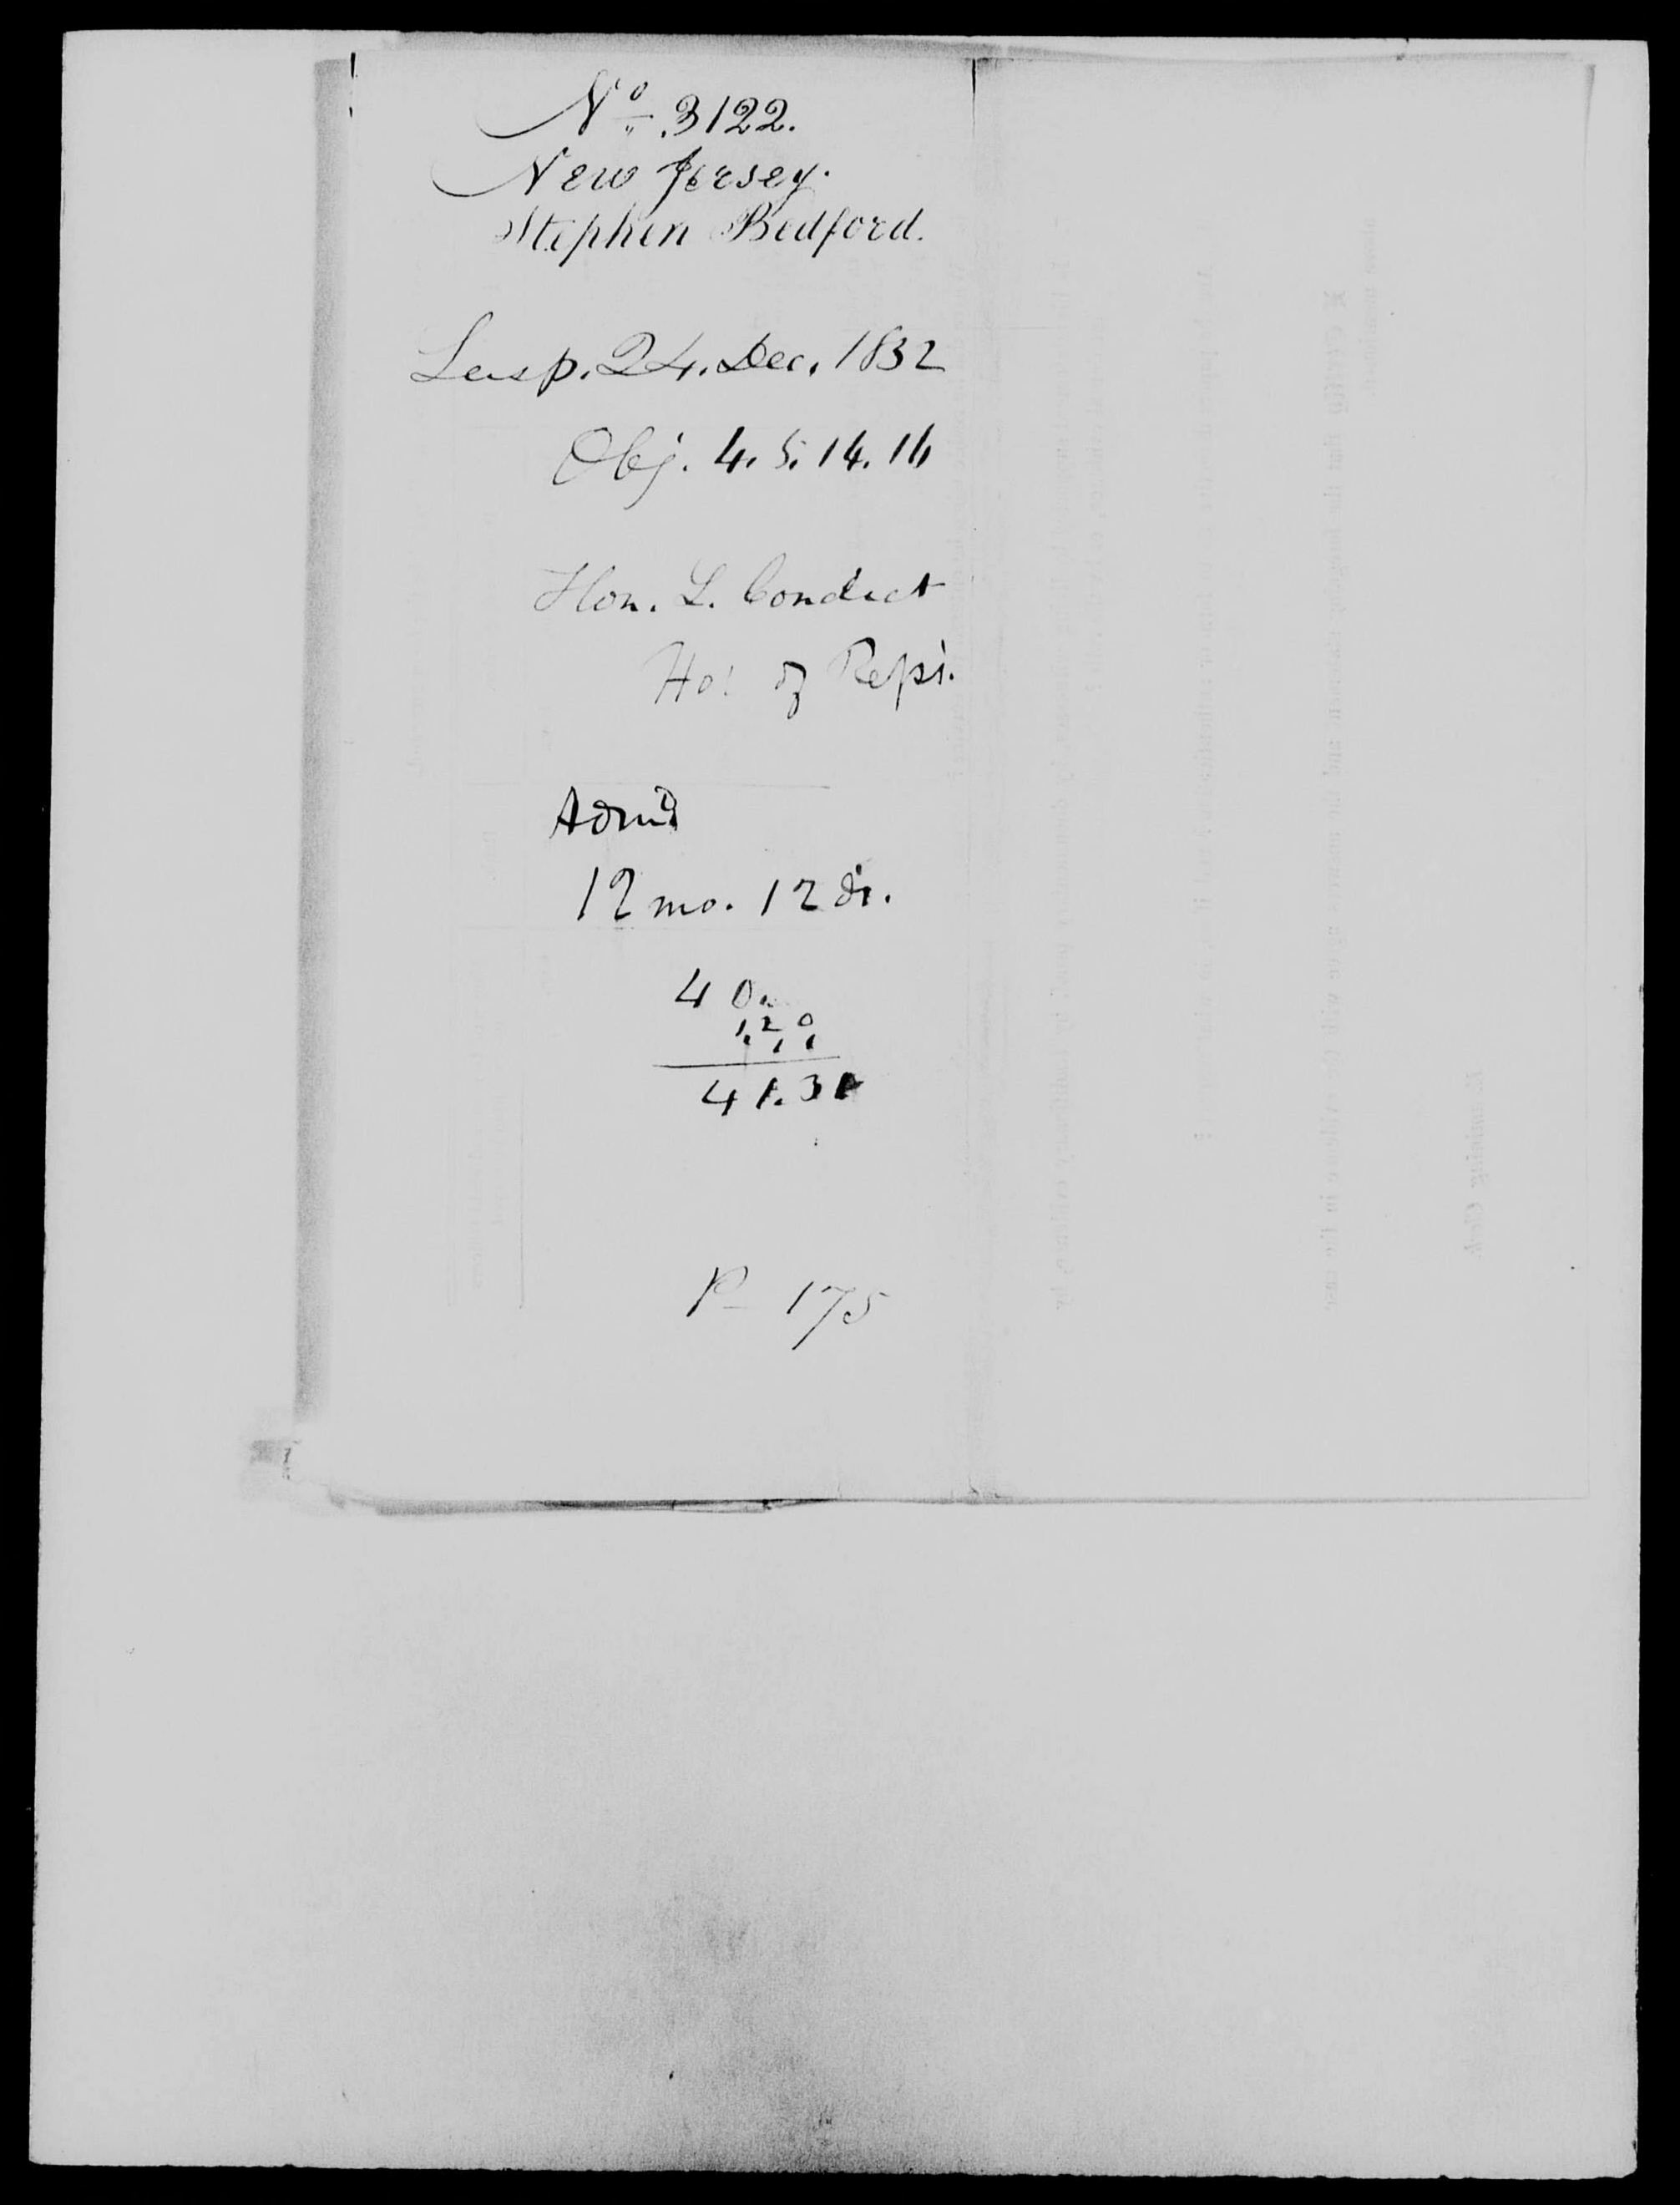No. 3122.
New Jersey.
Stephen Bedford.
Susp. 24, Dec. 1832
Obj. 4.5.14.16
Hon. L. Condict
Ho of Reps [House of Representatives].
Admd
12 mo. 12 ds.
40.
1.20
41.31

P 175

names: L Condict, Stephen Bedford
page: 10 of 31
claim: survivor's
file: S. 2372, Stephen Bedford, New Jersey